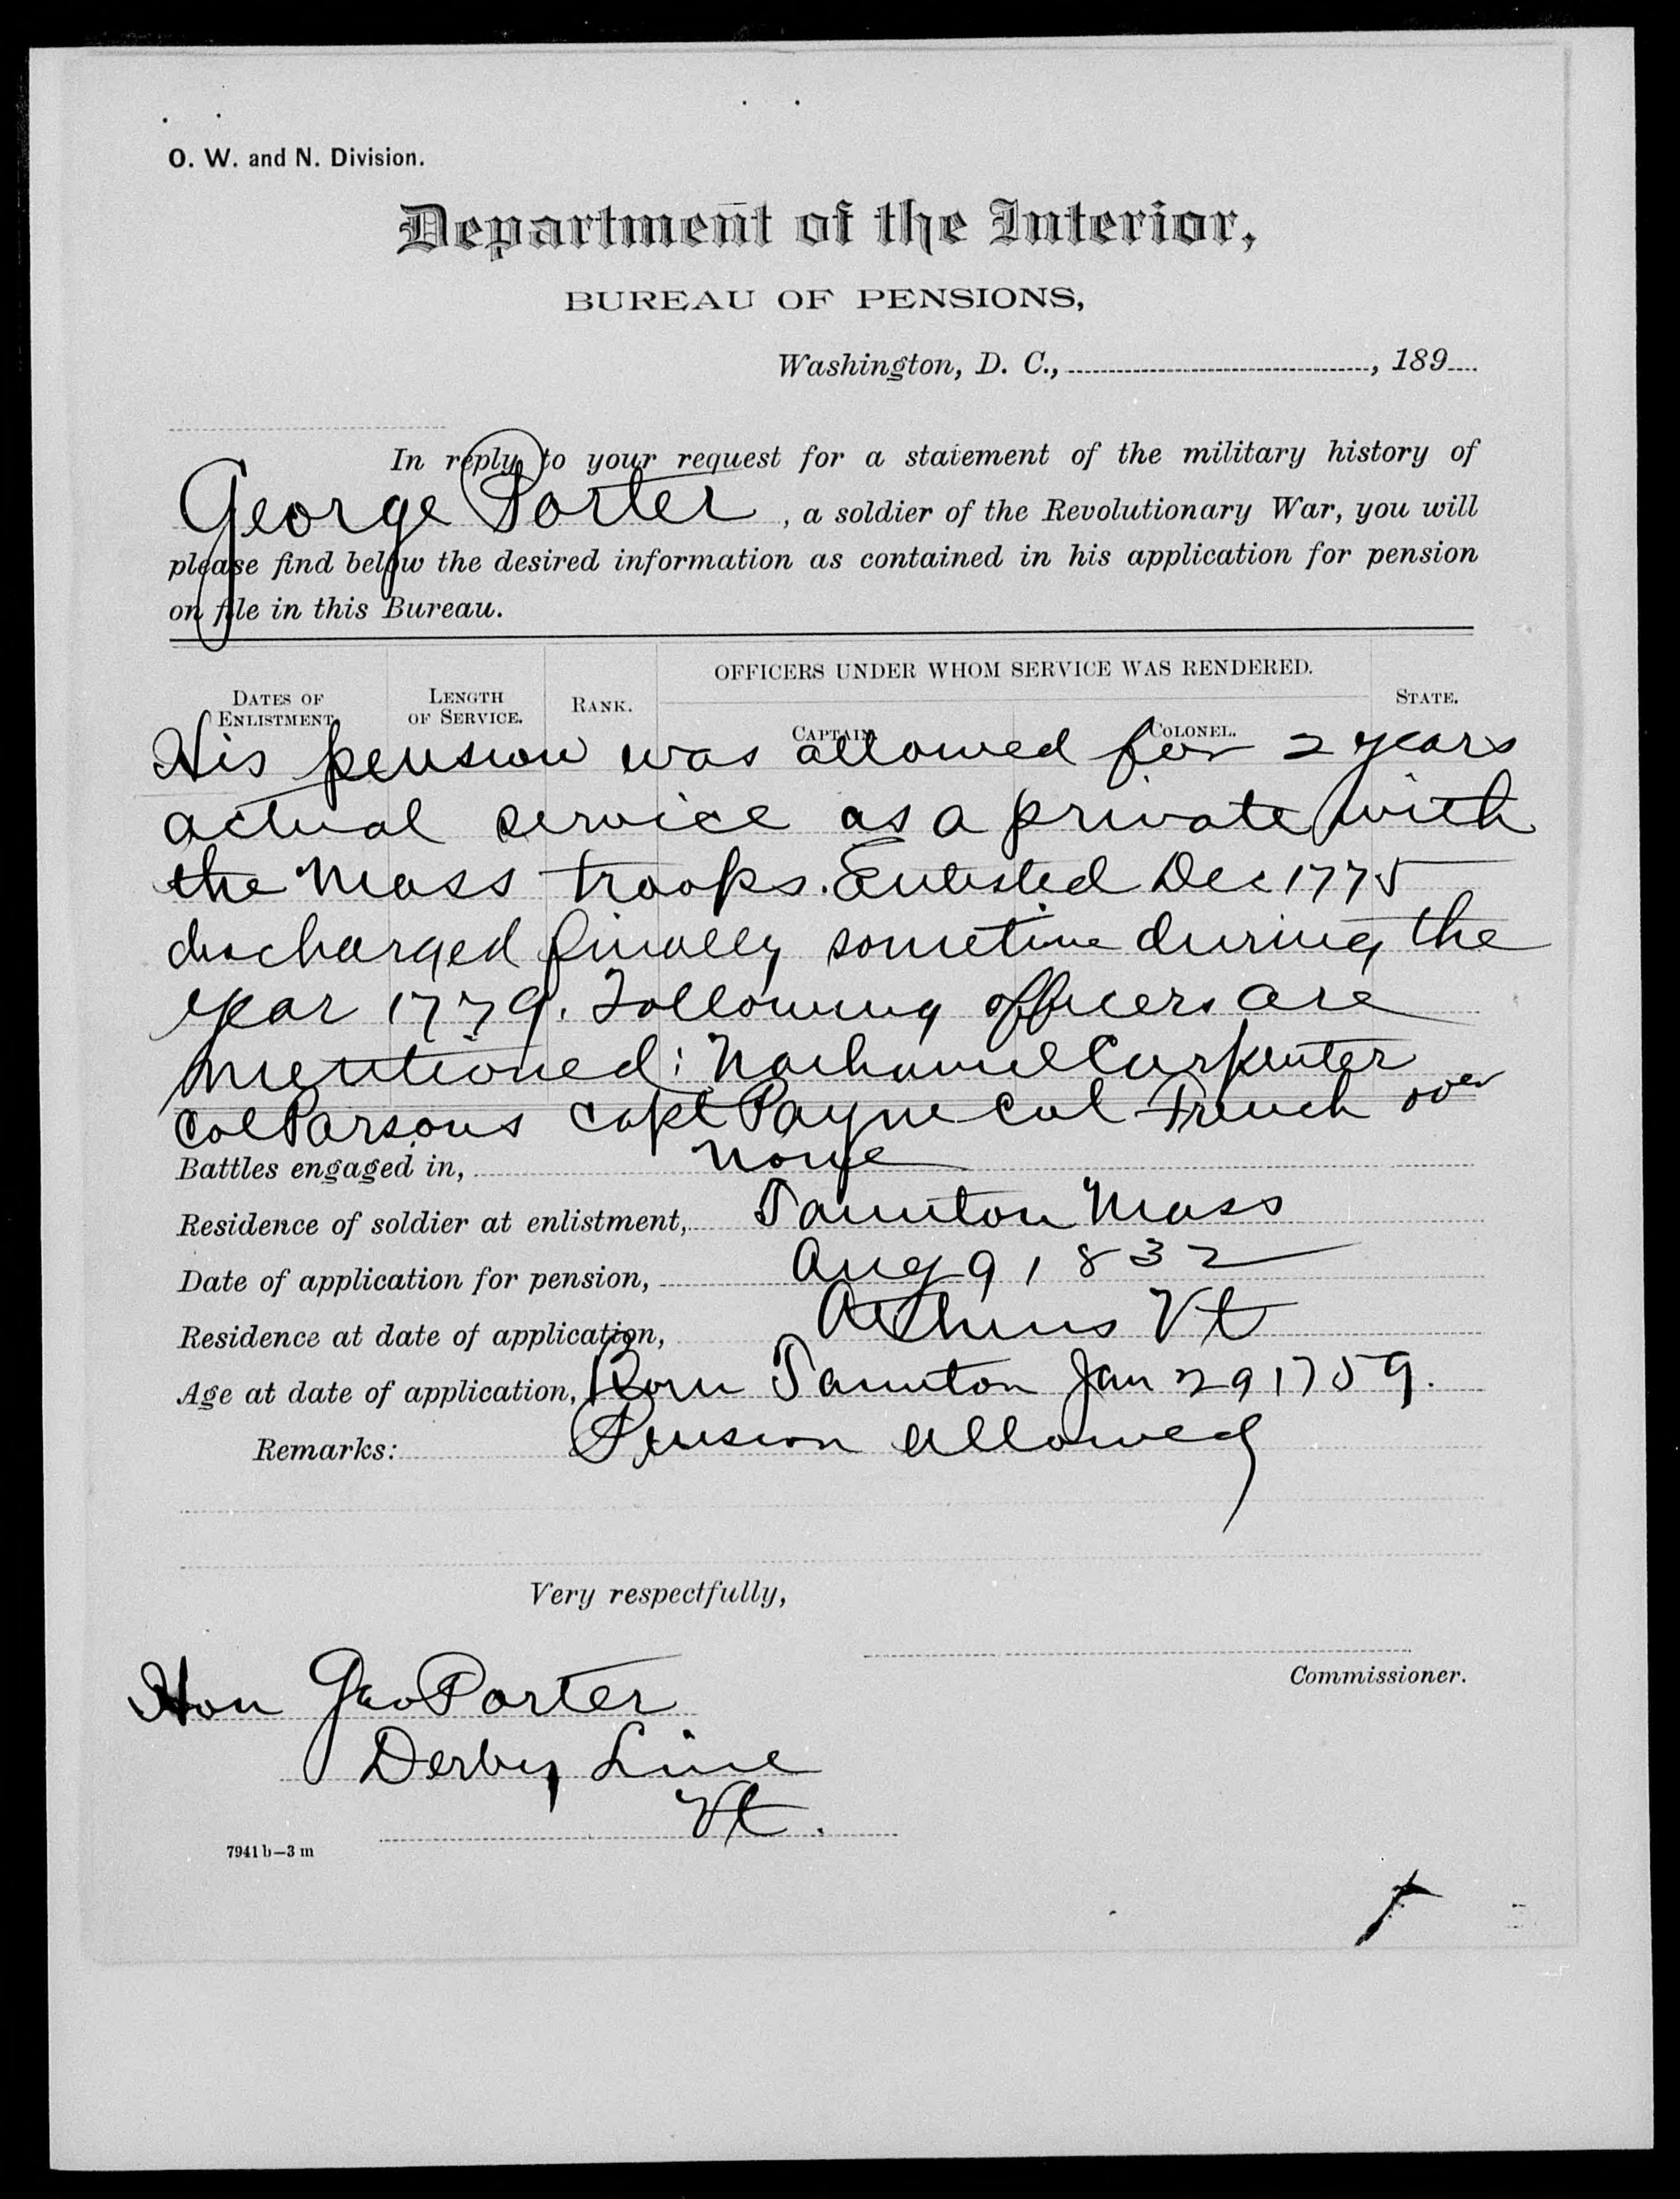O. W. and N. Division.
Department of the Interior,
BUREAU OF PENSIONS
Washington, D. C., [BLANK], 189 [BLANK]
In reply to your request for a statement of the military history of George Porter, a soldier of the Revolutionary War, you will please find below the desired information as contained in his application for pension on file in this Bureau.

DATES OF SERVICE.  ||  LENGTH OF SERVICE.  ||  RANK.  ||  OFFICERS UNDER WHOM SERVICE WAS RENDERED.  |  CAPTAIN.  |  COLONEL.  ||  STATE.
His pension was allowed for 2 years actual service as a private with the Mass Troops, Enlisted Dec 1775 discharged finally sometime during the year 1779. Following officers are mentioned: Nathaniel Carpenter Col Parsons Capt Payne Col French over

Battles engaged in, none
Residence of soldier at enlistment, Taunton Mass
Date of application for pension, Aug 9 1832
Residence at date of application, Athens Vt
Age at date of application, Born Taunton Jan 29 1759.
Remarks: Pension allowed

Very respectfully,
Hon Geo Porter
Derby Line Vt.
Commissioner.

7941b-3m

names: Geo Porter; [BLANK] French; [BLANK] Payne; George Porter; [BLANK] Parsons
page: 31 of 49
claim: widow's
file: W. 2164, for George Porter, Massachusetts